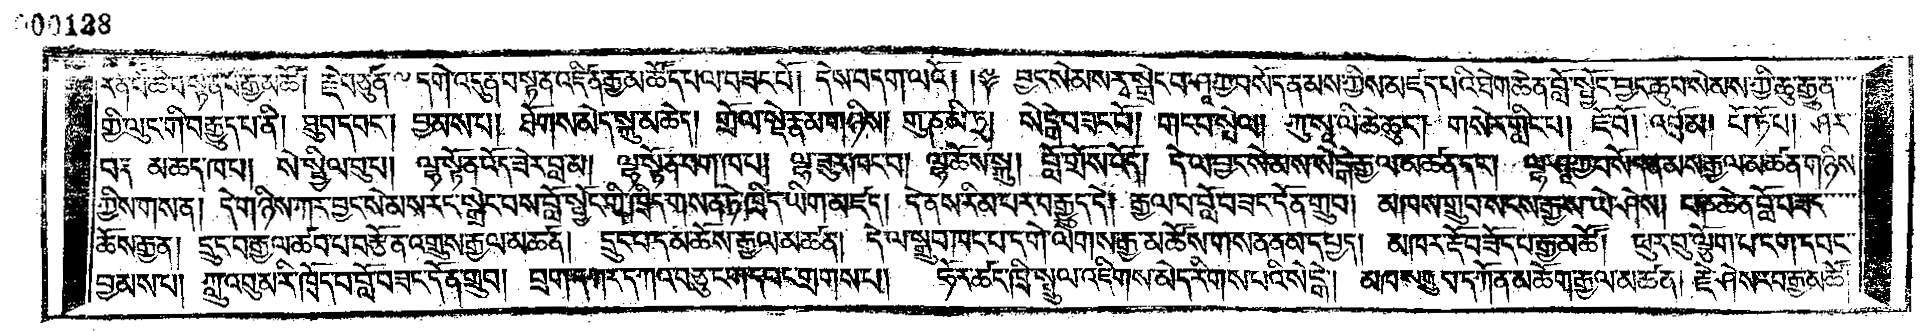རིན་པོ་ཆེ་བསྟན་པ་རྒྱ་མཚོ། རྗེ་བཙུན ༧་དགེ་འདུན་བསྟན་འཛིན་རྒྱ་མཚོ་དཔལ་བཟང་པོ། དེས་བདག་ལའོ། །༈ བྱང་སེམས་རྭ་སྒྲེང་བ་ཤཱཀྱ་བསོད་ནམས་ཀྱིས་མཛད་པའི་ཐེག་ཆེན་བློ་སྦྱོང་བྱང་ཆུབ་སེམས་ཀྱི་ཆུ་རྒྱུན་
གྱི་ལུང་གི་བརྒྱུད་པ་ནི། ཐུབ་དབང་། བྱམས་པ། ཐོགས་མེད་སྐུ་མཆེད། གྲོལ་སྡེ་རྣམ་གཉིས། གུ་ཎ་མི་ཏྲ། སེངྒེ་བཟང་པོ། གང་བ་སྤེལ། ཀུ་སཱ་ལི་ཆེ་ཆུང་། གསེར་གླིང་པ། ཇོ་བོ། འབྲོམ། པོ་ཏོ་པ། ཤར་
བ༑ མཆད་ཁ་པ། སེ་སྤྱིལ་བུ་པ། ལྷ་སྟོན་འོད་ཟེར་བླ་མ། ལྷ་སྟོན་བག་ཁ་པ། ལྷ་ཟུར་ཁང་བ། ལྷ་ཆོས་སྐུ། བློ་གྲོས་འོད། དེ་ལ་བྱང་སེམས་སེངྒེ་རྒྱལ་མཚན་དང་། ལྷ་ཤཱཀྱ་བསོད་ནམས་རྒྱལ་མཚན་གཉིས་
ཀྱིས་གསན། དེ་གཉིས་ཀར་བྱང་སེམས་རང་སྒྲེང་བས་བློ་སྦྱོང་གི་ཁྲིད་གསན་ཏེ་ཁྲིད་ཡིག་མཛད། དེ་ནས་རིམ་པར་བརྒྱུད་དེ། རྒྱལ་བ་བློ་བཟང་དོན་གྲུབ། མཁས་གྲུབ་སངས་རྒྱས་ཡེ་ཤེས། པཎ་ཆེན་བློ་བཟང་
ཆོས་རྒྱན། དྲུང་བ་རྒྱལ་ཚབ་པ་བརྩོན་འགྲུས་རྒྱལ་མཚན། དྲུང་པ་དམ་ཆོས་རྒྱལ་མཚན། དེ་ལ་སྒྲུབ་ཁང་པ་དགེ་ལེགས་རྒྱ་མཚོས་གསན་ནམ་དཔྱད། མཁར་རྡོ་བཟོད་པ་རྒྱ་མཚོ། ཕུར་བུ་ལྕོག་པ་ངག་དབང་
བྱམས་པ། ཀླུ་འབུམ་རི་ཁྲོད་པ་བློ་བཟང་དོན་གྲུབ། བྲག་དཀར་དཀའ་བཅུ་ངག་དབང་གྲགས་པ། ཧོར་ཚང་ཁྲི་སྤྲུལ་འཇིགས་མེད་རིགས་པའི་སེངྒེ། མཁས་གྲུབ་དཀོན་མཆོག་རྒྱལ་མཚན། རྗེ་ཤེས་རབ་རྒྱ་མཚོ།